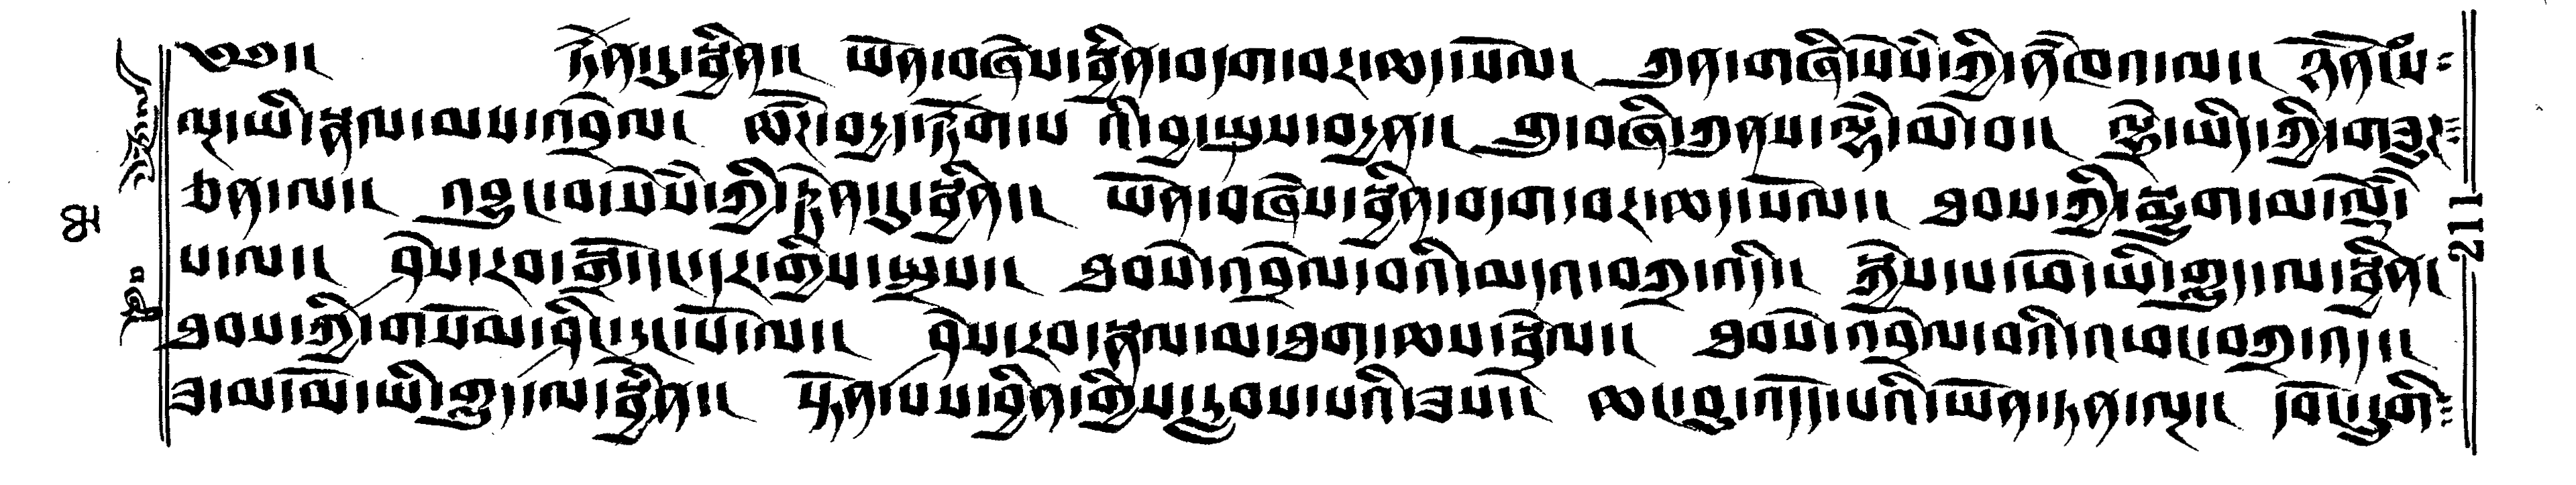རྟེན་དུ་སྦྱིན། །ཡོན་བཞེས་སྦྱིན་བདག་བར་ཆད་སོལ། །ཀུན་གཞི་སེམས་ཀྱི་ནམ་མཁའ་ལ། །ཉོན་མོངས་
ལྔ་ཡི་སྣལ་མས་འབྲེལ། །ཚོགས་བརྒྱད་རྟོག་པའི་བྱ་སྤུས་བརྒྱན། །གྲུ་བཞི་ཀུན་ནས་ལྷམ་མེ་བ། །ལྷ་འདྲེ་ཡིད་ཀྱི་གཟུགས་
ཅན་ལ། །འབྱུང་བ་སེམས་ཀྱི་རྟེན་དུ་སྦྱིན། །ཡོན་བཞེས་སྦྱིན་བདག་བར་ཆད་སོལ། །ཐབས་ཀྱི་སྨྱུག་མ་ལྡེམ་
པ་ལ། །ཤེས་རབ་སྒྲོ་དང་དར་གྱིས་སྤྲས། །ཐབས་ཤེས་འབྲེལ་བའི་མདའ་བཀྲ་འདི། །སྐྱེས་པ་ཕོ་ཡི་གླུད་ལ་སྦྱིན། །
ཐབས་ཀྱི་གསོམ་ཤིང་དྲང་པོ་ལ། །ཤེས་རབ་སྣལ་མ་ཐག་ཆས་སྦྲེལ། །ཐབས་ཤེས་འབྲེལ་བའི་འཕང་བཀྲ་འདི། །
ཟ་མ་མོ་ཡི་གླུད་ལ་སྦྱིན། །སྟོན་པས་བྱིན་གྱིས་རླབས་པའི་ཟས། །ཆང་བུ་འདོད་པའི་ཡོན་ཏན་ལྔ། །དབང་པོ་དྲུག་གི་